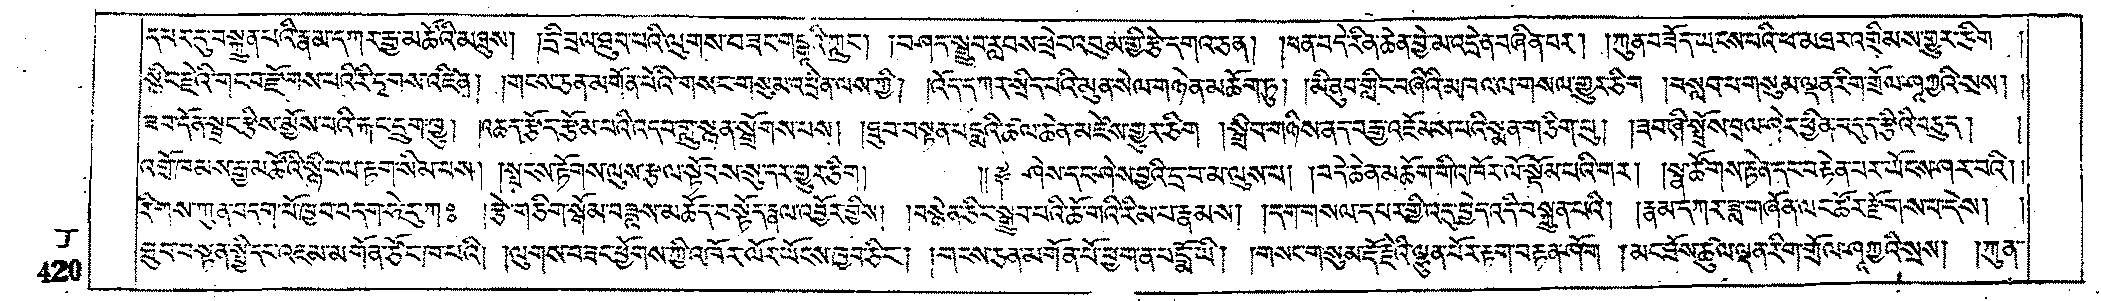དཔར་དུ་བསྐྲུན་པའི་རྣམ་དཀར་རྒྱ་མཚོའི་མཐུས། །དྲི་བྲལ་ཐུབ་པའི་ལུགས་བཟང་གངྒའི་ཀླུང་། །བཤད་སྒྲུབ་རླབས་ཕྲེང་འབུམ་གྱི་རྩེ་དགའ་ཅན། །ཕན་བདེ་རིན་ཆེན་བྱེ་མ་འདྲེན་བཞིན་པར། །ཀུན་བཟོད་ཡངས་པའི་ཕ་མཐར་འགྲིམས་གྱུར་ཅིག །
སྙིང་རྗེའི་གང་བ་རྫོགས་པའི་རི་དྭགས་འཛིན། །གངས་ཅན་མགོན་པོའི་གསང་གསུམ་འཕྲིན་ལས་ཀྱི། །འོད་དཀར་སྲིད་པའི་མུན་སེལ་གཉེན་མཆོག་ཏུ། །མི་ནུབ་གླིང་བཞིའི་མཁའ་ལ་གསལ་གྱུར་ཅིག །བསླབ་པ་གསུམ་ལྡན་རིག་གྲོལ་ཤཱཀྱའི་སྲས། །
ཟབ་དོན་སྦྲང་རྩིས་མྱོས་པའི་རྐང་དྲུག་ཁྱུ། །འཆད་རྩོད་རྩོམ་པའི་འདབ་གླུ་སྙན་སྒྲོགས་པས། །ཐུབ་བསྟན་པདམའི་ཚལ་ཆེན་མཛེས་གྱུར་ཅིག །སྒྲིབ་གཉིས་ནད་བརྒྱ་འཇོམས་པའི་སྨན་གཅིག་པུ། །ཟབ་ཞི་སྤྲོས་བྲལ་ཤེར་ཕྱིན་བདུད་རྩིའི་བཅུད། །
འགྲོ་ཁམས་རྒྱ་མཚོའི་སྙིང་ལ་རྟག་སིམ་པས། །སྤངས་རྟོགས་ལུས་རྩལ་སྟོབས་སུ་དར་གྱུར་ཅིག ། །། འ་ཤེས་དང་ཤེས་བྱའི་དྲ་བ་མ་ལུས་པ། །བདེ་ཆེན་མཆོག་གི་འཁོར་ལོ་སྡོམ་པའི་གར། །སྣ་ཚོགས་རྟེན་དང་བརྟེན་པར་ཡོངས་ཤར་བའི། །
རིགས་ཀུན་བདག་པོ་ཁྱབ་བདག་ཧེ་རུ་ཀཿ །རྩེ་གཅིག་སྒོམ་བཟླས་མཆོད་བསྟོད་རྣལ་འབྱོར་གྱིས། །བསྙེན་ཅིང་སྒྲུབ་པའི་ཆོ་གའི་རིམ་པ་རྣམས། །དག་གསལ་དཔར་གྱི་འདུ་བྱེད་འདི་བསྐྲུན་པའི། །རྣམ་དཀར་ཟླ་གཞོན་ལང་ཚོར་རྫོགས་པ་དེས། །
ཐུབ་བསྟན་སྤྱི་དང་འཇམ་མགོན་ཙོང་ཁ་པའི། །ལུགས་བཟང་ཕྱོགས་ཀྱི་འཁོར་ལོར་ཡོངས་ཁྱབ་ཅིང་། །གངས་ཅན་མགོན་པོ་ཕྱག་ན་པདམོ་ཡི། །གསང་གསུམ་རྡོ་རྗེའི་ལྷུན་པོར་རྟག་བརྟན་ཤོག །མང་ཐོས་ཚུལ་ལྡན་རིག་གྲོལ་ཤཱཀྱའི་སྲས། །ཀུན་་་